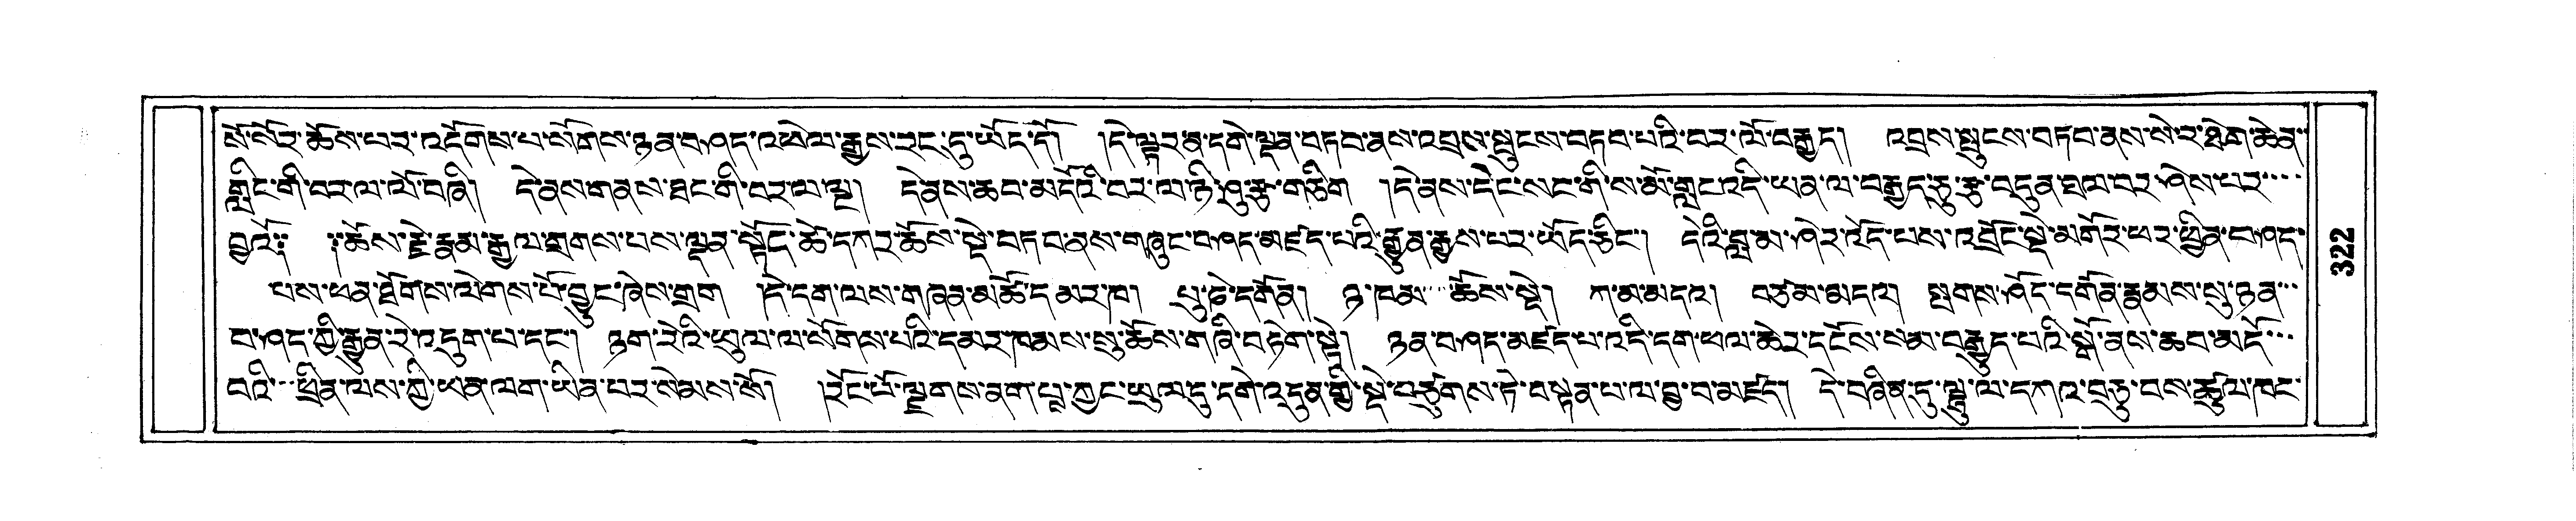སོ་སོར་ཆོས་པར་འདོགས་པ་སོགས་ཉན་བཤད་འཕེལ་རྒྱས་རང་དུ་ཡོད་དོ། །དེ་ལྟར་ན་དགེ་ལྡན་བཏབ་ནས་འབྲས་སྤུངས་བཏབ་པའི་བར་ལོ་བརྒྱད། འབྲས་སྤུངས་བཏབ་ནས་སེ་ར་ཐེག་ཆེན་
གླིང་གི་བར་ལ་ལོ་བཞི། དེ་ནས་གནས་ཐང་གི་བར་ལ་ལྔ། དེ་ནས་ཆབ་མདོའི་བར་ལ་ཉི་ཤུ་རྩ་གཅིག །དེ་ནས་དེང་སང་གི་ས་མོ་གླང་འདི་ཡན་ལ་བརྒྱད་ཅུ་རྩ་བདུན་ཐལ་བར་ཤེས་པར་
བྱའོ༑ ༑ཆོས་རྗེ་རྣམ་རྒྱལ་གྲགས་པས་ལྡན་སྟོང་ཚེ་དཀར་ཆོས་སྡེ་བཏབ་ནས་གཞུང་བཤད་མཛད་པའི་རྒྱུན་རྒྱས་པར་ཡོད་ཅིང་། དེའི་བླ་མ་ཤེར་འོད་པས་འབྲོང་སྡེ་མགོར་ཕར་ཕྱིན་བཤད་
པས་ཕན་ཐོགས་ལེགས་པོ་བྱུང་ཞེས་གྲག །དེ་དག་ལས་གཞན་མཚོ་དམར་ཁ། པུ་ཎེ་དགོན། ཉ་ཁམ་ཆོས་སྟེ། ཀ་མ་མདའ། བཙམ་མདའ། སྤགས་ཤོད་དགོན་རྣམས་སུ་ཉན་
བཤད་ཀྱི་རྒྱུན་རེ་འདུག་པ་དང་། ཉག་རེའི་ཡུལ་ལ་སོགས་པའི་དམར་ཁམས་སུ་ཆོས་གཞི་བཏེག་སྟེ། ཉན་བཤད་མཛད་པ་འདི་དག་ཕལ་ཆེར་དངོས་སམ་བརྒྱུད་པའི་སྒོ་ནས་ཆབ་མདོ་
པའི་ཕྲིན་ལས་ཀྱི་ཡན་ལག་ཡིན་པར་སེམས་སོ། །རོང་པོ་ལྗགས་ནག་པས་ཀྱང་ཡུལ་དུ་དགེ་འདུན་གྱི་སྡེ་བཙུགས་ཏེ་བསྟན་པ་ལ་བྱ་བ་མཛད། དེ་བཞིན་དུ་ལྷུ་ལ་དཀའ་བཅུ་པས་ཚུལ་ཁང་